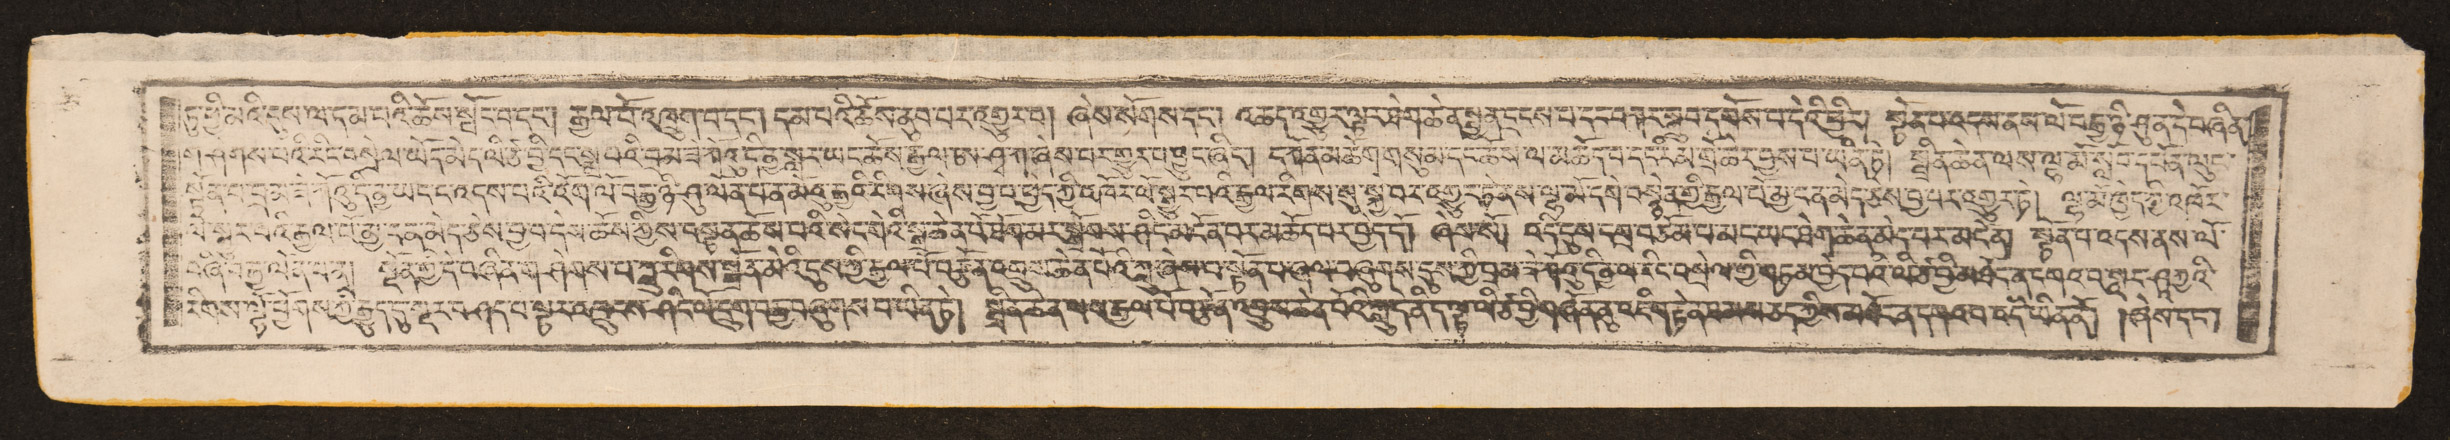ཏུ་ཕྱི་མའི་དུས་ལ་དམ་པའི་ཆོས་སྤོང་བ་དང་། རྒྱལ་པོ་འཁྲུག་པ་དང་། དམ་པའི་ཆོས་ནུབ་པར་འགྱུར་བ། ཞེས་སོགས་དང་། འཆད་འགྱུར་ལྟར་ཐེག་ཆེན་སྤྱན་དྲངས་པ་དང་བཀར་སྒྲུབ་དགོས་བདེའི་ཕྱིར། སྟོན་པ་འདས་ནས་ལོ་བརྒྱ་ཉི་ཤུ་ན་དེ་བཞིན་
གཤེགས་པའི་རིང་བསྲེལ་ཡོད་མེད་ལི་ཙ་བྱི་དང་སྨྲ་བའི་བྲམ་ཟེ་ཀོའི་དི་ནྱ་སླར་ཡང་ཆོས་རྒྱལ་ཨ་ཤྭ་ཀ་ཞེས་པར་གྱུར་བ་བྱུང་ཞིང་། དཀོན་མཆོག་གསུམ་དང་ཆོས་ལ་མཆོད་པ་དང་རིམ་གྲོ་ཆར་བྱས་པ་ཡིན་ཏེ། སྦྲིན་ཆེན་ལས་ལྷ་མོ་སློབ་དཔོན་ལུང་
སྟོན་པ་བྲམ་ཟེ་ཀོའུ་དི་ནྱ་ཡང་ང་འདས་པའི་འོག་ལོ་བརྒྱ་ཉི་ཤུ་ལོན་པ་ན་མོའུ་རྒྱའི་རིགས་ཞེས་བྱ་བ་ཕྱེད་ཀྱི་འཁོར་ལོ་སྒྱུར་བའི་རྒྱལ་རིགས་སུ་སྐྱེ་བར་འགྱུར་ཏེ་ནས་ལྷ་མོ་དགེ་བསྙེན་གྱི་རྒྱལ་པོ་མྱ་ངན་མེད་ཅེས་བྱ་པར་འགྱུར་ཏེ། ལྷ་མོ་ཁྱེད་ཀྱི་འཁོར་
ལ་སྒྱུར་བའི་རྒྱལ་པོ་མྱ་དམ་མེད་ཅེས་བྱ་བ་དེས་ཆོས་ཀྱིས་བསྟན་ཆོས་བའི་སེང་གེའི་སྒྲ་ཆེན་པོ་ཐོག་མར་སྒྲོགས་ཤིང་མངོན་པར་མཆོད་པར་བྱེད་དོ། ཞེས་སོ། འདི་དུས་དགྲ་བཅོམ་པ་མང་ཡང་ཐེག་ཆེན་མེད་པར་མངོན། སྟོན་པ་འདས་ནས་ལོ་
བཞི་བརྒྱ་ལོན་བ་ན། སྔོན་གྱི་དེ་བཞིན་གཤེགས་པ་ཀླུ་རིགས་སྒྲོན་མེའི་དུས་ཀྱི་རྒྱལ་པོ་བརྩོན་འགྲུས་ཆེན་པོའི་ཀླུ་ཞེས་པ་སྟོན་པ་ཞལ་བཞུགས་དུས་ཀྱི་བྲམ་ཟེ་ཀོའུ་དི་ནྱ་ལ་རིང་བསྲེལ་གྱི་གཏམ་བྱེད་པའི་ལི་ཙ་བྱི་མཐོང་ན་དགའ་བ་སླར་ཤཱཀྱའི་
རིགས་ལྷོ་ཕྱོགས་ཀྱི་རྒྱུད་དུ་སྔར་བཤད་པ་ལྟར་འཁྲུངས་ཤིང་ལོ་དྲུག་བརྒྱ་བཞུགས་པ་ཡིན་ཏེ། སྤྲིན་ཆེན་ལས་རྒྱལ་པོ་བརྩོན་འགྲུས་ཆེན་པོའི་ཀླུ་དེ་ནི་དེ་ལྟ་ལི་ཙ་བྱི་གཞོན་ནུ་འཇིག་རྟེན་ཐམས་ཅད་ཀྱིས་མཐོང་ན་དགའ་བ་འདི་ཡིན་ནོ། །ཞེས་དང་།